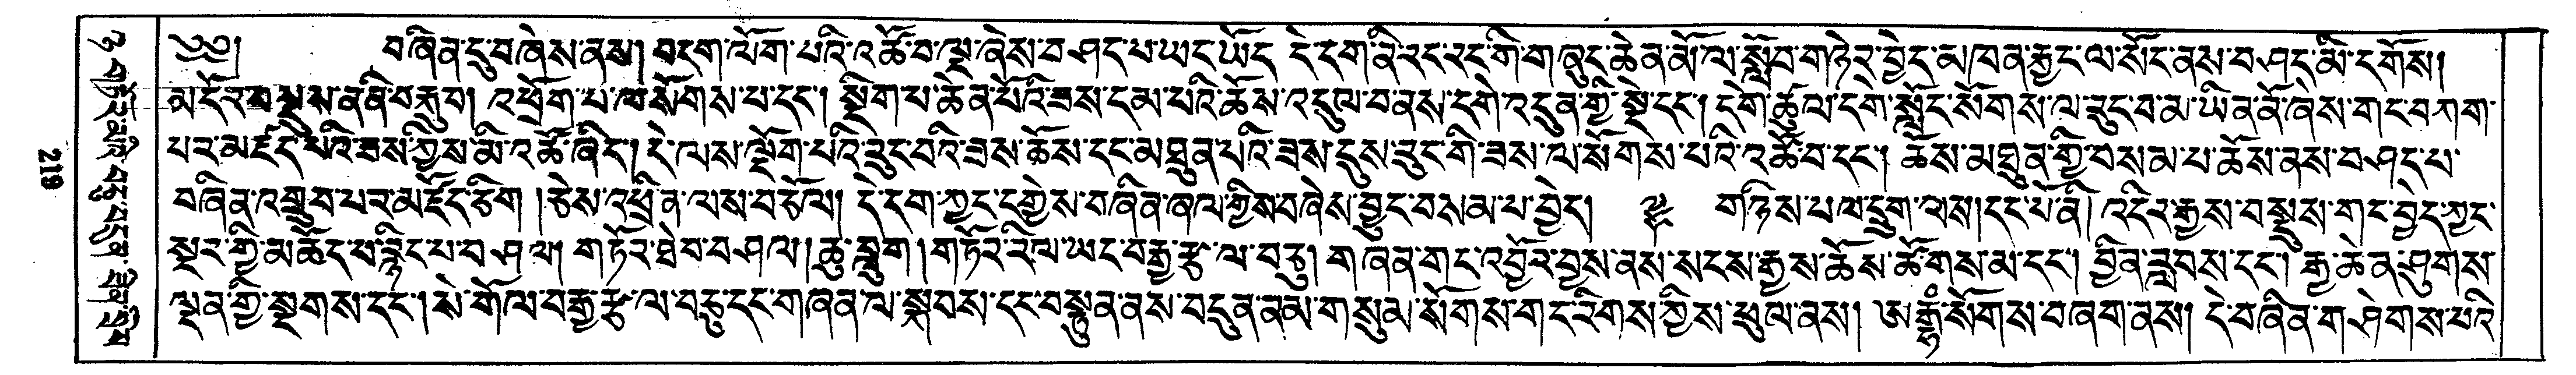༄༅། །བཞིན་དུ་བཞེས་ནས། བདག་ལོག་པའི་འཚོ་བ་ལྔ་ཞེས་བཤད་པ་ཡང་ཡོད། དེ་དག་ནི་རང་རང་གི་གཞུང་ཆེན་མོ་ལ་སློབ་གཉེར་བྱེད་མཁན་རྐྱང་ལ་སོང་ནས་བཤད་མི་དགོས།
མདོར་བསྡུས་ན་ནི་བརྐུབ། འཕྲོག་པ་ལ་སོགས་པ་དང་། སྡིག་པ་ཆེན་པོའི་ཟས་དམ་པའི་ཆོས་འདུལ་བ་ནས་དགེ་འདུན་གྱི་སྡེ་དང་། དགེ་ཚུལ་དགེ་སློང་སོགས་ལ་རུང་བ་མ་ཡིན་ནོ་ཞེས་གང་བཀག་
པར་མཛད་པའི་ཟས་ཀྱིས་མི་འཚོ་ཞིང་། དེ་ལས་ལྡོག་པའི་རུང་བའི་ཟས་ཆོས་དང་མཐུན་པའི་ཟས་དུས་རུང་གི་ཟས་ལ་སོགས་པའི་འཚོ་བ་དང་། ཆོས་མཐུན་གྱི་བསམ་པ་ཆོས་ནས་བཤད་པ་
བཞིན་འགྲུབ་པར་མཛོད་ཅིག །ཅེས་འཕྲིན་ལས་བཅོལ། དེ་དག་ཀྱང་དགྱེས་བཞིན་ཞལ་གྱིས་བཞེས་བྱུང་བསམ་པ་བྱེད། ༈ གཉིས་པ་ལ་དྲུག་ལས། དང་པོ་ནི། འདིར་རྒྱས་བསྡུས་གང་བྱེད་ཀྱང་
སྔར་གྱི་མཆོད་པ་རྙིང་པ་བཤལ། གཏོར་ཐེབ་བཤལ། ཆུ་བླུག། གཏོར་རིལ་ཡང་བརྒྱ་རྩ་ལ་བཅུ། གཞན་གང་འབྱོར་བྱས་ནས་སངས་རྒྱས་ཆོས་ཚོགས་མ་དང་། བྱིན་རླབས་དང་། རྒྱ་ཆེན་ཤུགས་
ལྡན་གྱི་སྔགས་དང་། སེ་གོལ་བརྒྱ་རྩ་ལ་བཅུ་དང་། གཞན་ལ་སྐབས་དང་བསྟུན་ནས་བདུན་ནམ་གསུམ་སོགས་གང་རིགས་ཀྱིས་ཕུལ་ནས། ཨརྒྷཾ་སོགས་བཞག་ནས། དེ་བཞིན་གཤེགས་པའི་